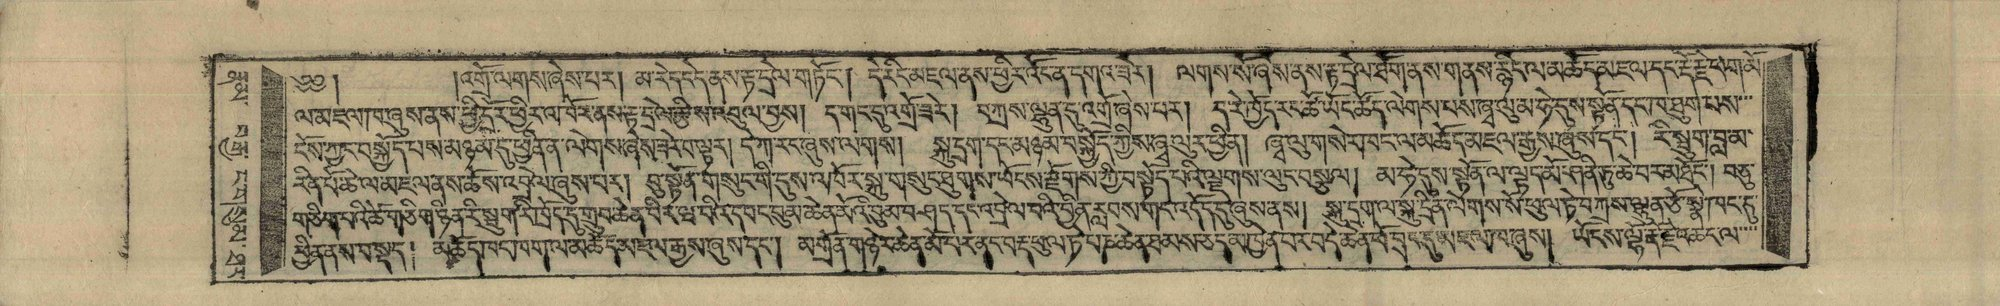༄༅། །འགྲོ་ལགས་ཞེས་པར། མ་རེད་ངེད་ནས་རྟ་དྲེལ་གཏོང་། དེ་རིང་མཇལ་ནས་ཕྱིར་འོང་ན་དགའ་ཟེར། ལགས་སོ་ཞེས་ནས་རྟ་དྲེལ་ཐོག་ནས་གནས་རྙིང་ལ་མཆོད་མཇལ་དང་རྡོ་རྗེ་ཕག་མོ་
ལ་མཇལ་ཁ་ཞུས་ནས་ཕྱི་དྲོར་ཕྱིར་འཁོར་ནས་རྟ་དྲེལ་རྩིས་འབུལ་བྱས། ད་གང་དུ་འགྲོ་ཟེར། བཀྲས་ལྷུན་དུ་འགྲོ་ཞེས་པར། ད་རེ་ཁྱོད་རང་ཚོ་ཡོང་ཚོད་ལེགས་པས་ཞྭ་ལུ་མ་ཧེ་དུས་སྟོན་དང་ཁ་ཐུག་པས་
ངོས་ཀྱང་བསྐྱོད་པས་མཉམ་དུ་ཕྱིན་ན་ལེགས་ཞེས་ཟེར་བ་ལྟར། དེ་ཀ་རང་ཞུས་ལགས། སྐུ་དྲག་དང་མཉམ་བསྐྱོད་ཀྱིས་ཞྭ་ལུར་ཕྱིན། ཞྭ་ལུ་གསེར་ཁང་ལ་མཆོད་མཇལ་རྒྱས་ཞུས་དང་། རི་སྦུག་བླ་མ་
རིན་པོ་ཆེ་ལ་མཇལ་ནས་ཆོས་འབྲེལ་ཞུས་པར། བུ་སྟོན་གསུང་གི་དུས་འཁོར་སྐུ་གསུང་ཐུགས་ཡོངས་རྫོགས་ཀྱི་བསྟོད་པའི་ལྗགས་ལུང་བསྩལ། མ་ཧེ་དུས་སྟོན་ལ་ལྟད་མོ་ཤིན་ཏུ་ཆེ་བར་མཐོང་། བཅུ་
གཅིག་པའི་ཚེ་གཅིག་ཉིན་རི་སྦུག་རི་ཁྲོད་དུ་གྲུབ་ཆེན་བིར་ཝ་པའི་དབང་བུམ་ཆེན་མོའི་བུམ་བཤད་དང་འབྲེལ་བའི་བྱིན་རླབས་གང་འདོད་དུ་ཞུས་ནས། སྐུ་དྲག་ལ་སྐུ་དྲིན་ལེགས་སོ་ཕུལ་ཏེ་བཀྲས་ལྷུན་ཅོ་སྣེ་ཁང་དུ་
ཕྱིན་ནས་བསྡད། མཆོད་ཁང་ཁག་ལ་མཆོད་མཇལ་རྒྱས་ཞུས་དང་། མགྲོན་གཉེར་ཆེན་མོ་བར་ནང་བརྡ་ཕུལ་ཏེ་པཎ་ཆེན་ཐམས་ཅད་མཁྱེན་པར་བདེ་ཆེན་ཕོ་བྲང་དུ་མཇལ་ཁ་ཞུས། ཡོངས་ལྷོ་རྡོ་རྗེ་འཆང་ལ་